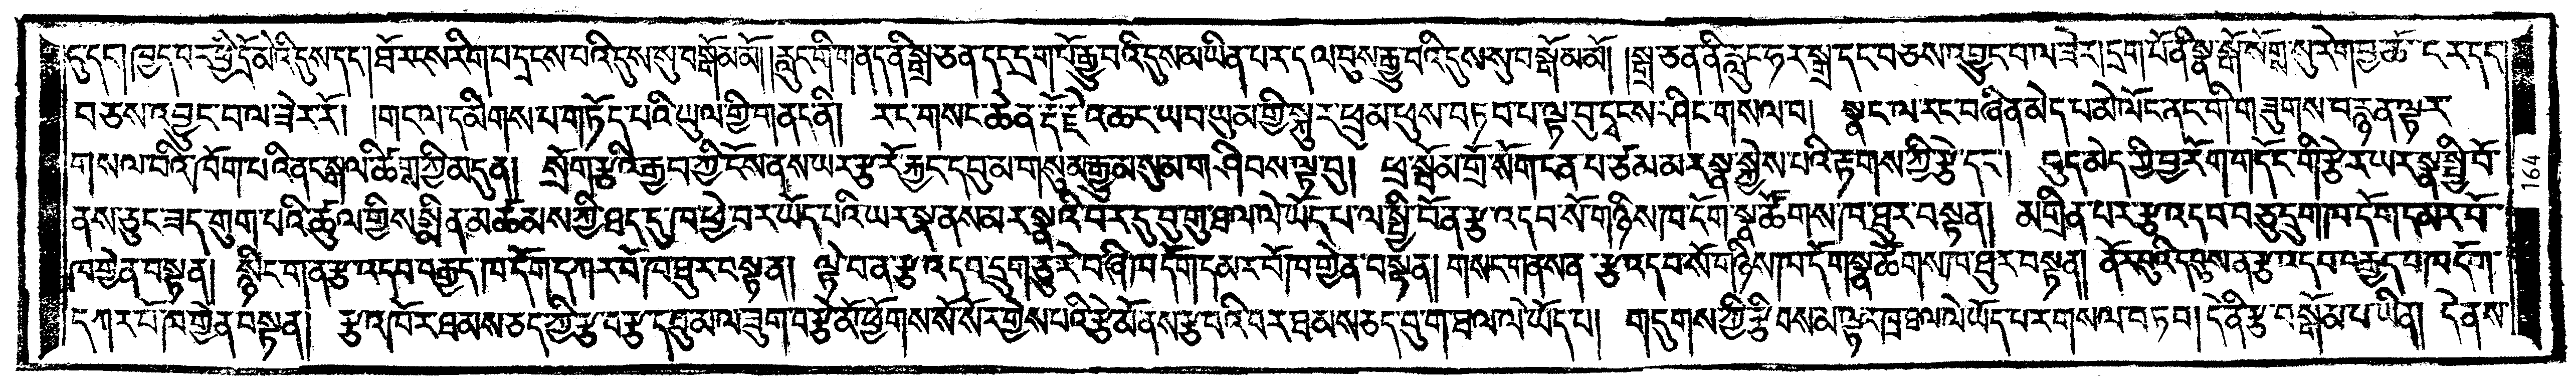དུ་དང་། ཁྱད་པར་ཕྱི་དྲོ་མེའི་དུས་དང་། ཐོ་རངས་རིག་པ་དྲངས་བའི་དུས་སུ་བསྒོམ་མོ། །རླུང་གི་གནད་ནི་སྒྲ་ཅན་དང་དྲག་པོ་རྒྱུ་བའི་དུས་མ་ཡིན་པར་དལ་བུས་རྒྱུ་བའི་དུས་སུ་བསྒོམ་མོ། །སྒྲ་ཅན་ནི་རླུང་ཤར་སྒྲ་དང་བཅས་འབྱུང་བ་ལ་ཟེར། དྲག་པོ་ནི་སྣ་སྒོ་སོགས་སུ་རེག་བྱ་ཚ་ངར་དང་
བཅས་འབྱུང་བ་ལ་ཟེར་རོ། །གང་ལ་དམིགས་པ་གཏོད་པའི་ཡུལ་གྱི་གནད་ནི། རང་གསང་ཆེན་རྡོ་རྗེ་འཆང་ཡབ་ཡུམ་གྱི་སྐུར་ཕྲུམ་ཕུས་བཏབ་པ་ལྟ་བུ་དྭངས་ཤིང་གསལ་བ། སྣང་ལ་རང་བཞིན་མེད་པ་མེ་ལོང་ནང་གི་གཟུགས་བརྙན་ལྟར་
གསལ་བའི་ཁོག་པའི་ནང་སྒལ་ཚིགས་ཀྱི་མདུན། སྲོག་རྩའི་རྒྱབ་ཀྱི་ངོས་ནས་ཡར་རྩ་རོ་རྐྱང་དབུ་མ་གསུམ་རྒྱུ་མ་སུམ་གཤིབས་ལྟ་བུ། ཕྲ་སྦོམ་གྲོ་སོག་ངན་པ་ཙམ་མར་སྣ་སྐྱེས་པའི་རྟགས་ཀྱི་རྩེ་དང་། བུད་མེད་ཀྱི་བྱ་རོག་གདོང་གི་རྩེར་ཡར་སྣ་སྤྱི་བོ་
ནས་ཅུང་ཟད་གུག་པའི་ཚུལ་གྱིས་སྨིན་མཚམས་ཀྱི་ཐད་དུ་ཁ་ཕྱེ་བར་ཡོད་པའི་ཡར་སྣ་ནས་མར་སྣའི་བར་དུ་བུ་གུ་ཐལ་ལེ་ཡོད་པ་ལ་སྤྱི་བོ་ན་རྩ་འདབ་སོ་གཉིས་ཁ་དོག་སྣ་ཚོགས་ཁ་ཐུར་བསྟན། མགྲིན་པར་རྩ་འདབ་བཅུ་དྲུག་ཁ་དོག་དམར་པོ་
ཁ་གྱེན་བསྟན། སྙིང་གན་རྩ་འདབ་བརྒྱད་ཁ་དོག་དཀར་བོ་ཁ་ཐུར་བསྟན། ལྟེ་བ་ན་རྩ་འདབ་དྲུག་ཅུ་རེ་བཞི་ཁ་དོག་དམར་པོ་ཁ་གྱེན་བསྟན། གསང་གནས་ན་རྩ་འདབ་སོ་གཉིས་ཁ་དོག་སྣ་ཚོགས་ཁ་ཐུར་བསྟན། ནོར་བུའི་དབུས་ན་རྩ་འདབ་བརྒྱད་པ་ཁ་དོག་
དཀར་པོ་ཁ་གྱེན་བསྟན། རྩ་འཁོར་ཐམས་ཅད་ཀྱི་རྩ་བ་རྩ་དབུ་མ་ལ་ཟུག་བརྩེ་མོ་ཕྱོགས་སོ་སོར་གྱེས་པའི་རྩེ་མོ་ནས་རྩ་བའི་བར་ཐམས་ཅད་བུ་ག་ཐལ་ལེ་ཡོད་པ། གདུགས་ཀྱི་རྩི་བསམ་ལྟར་ཁྲ་ཐལ་ལེ་ཡོད་པར་གསལ་བཏབ། དེ་ནི་རྩ་བསྒོམ་པ་ཡིན། དེ་ནས་